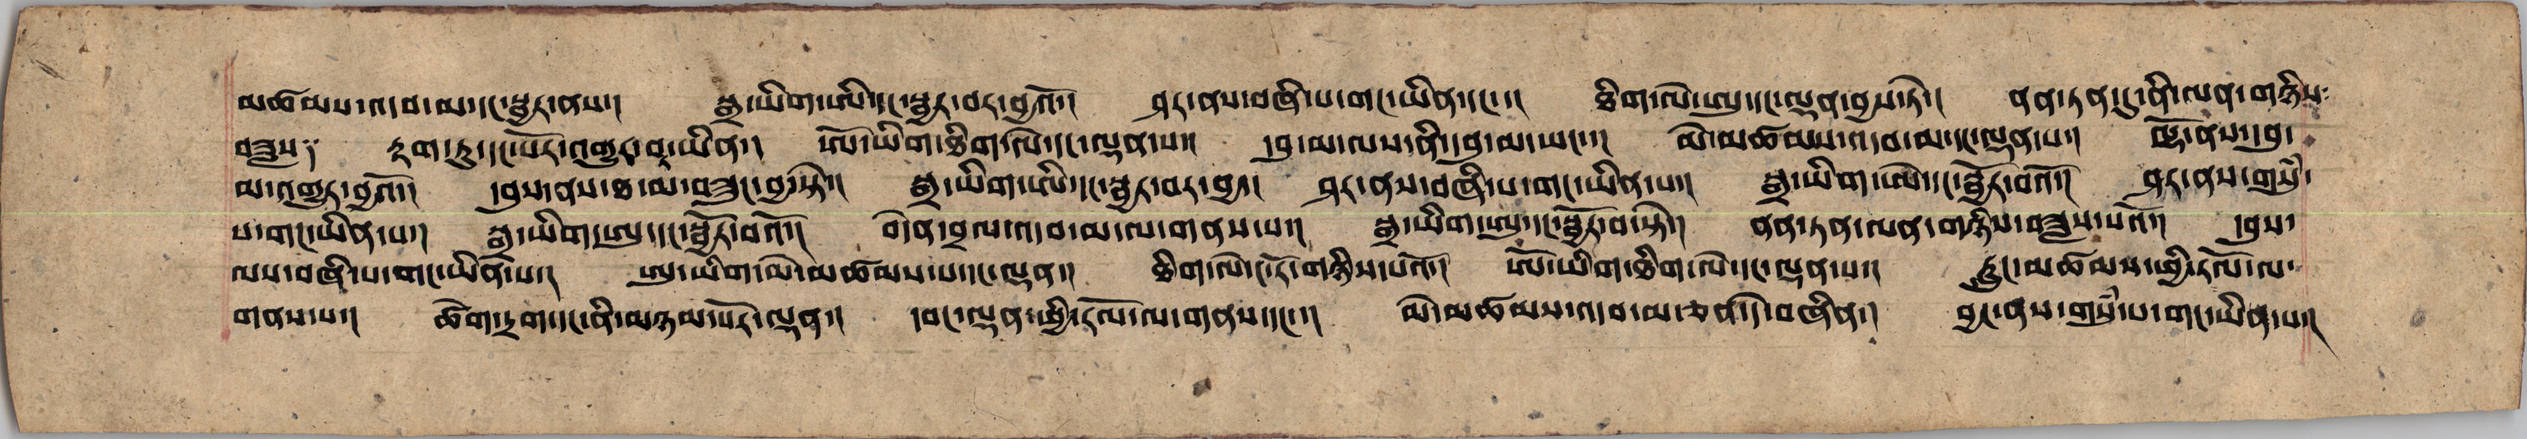མཚམས་འདབ་མ་དང་སྦྱར་ནས་། སྒྲ་ཡིག་ཨི་དང་སྦྱར་བར་བྱའོ་། ཤར་ནས་བཞི་པ་གང་ཡིན་དང་་། ཐིག་ལེ་ཨུ་དང་ལྡན་བྱས་ཏེ་། ནན་ཏན་དུ་ནི་ལན་གཉིས་
བཟླས༑ རྟག་ཏུ་དང་པོར་འགྱུར་བར་ཡིན་། ཨོ་ཡིག་ཐིག་ལེ་དང་ལྡན་ས་། དབུ་མ་ལས་ནི་དབུ་མ་ཡང་། མེ་མཚམས་འདབ་མ་དང་ལྡན་པ་། ལྷོ་ནས་དབུ་
མ་འགྱུར་བྱའོ་། དབུས་ནས་ཐ་མ་བཟུང་བྱ་སྟེ་། སྒྲ་ཡིག་ཨི་དང་སྦྱར་བར་བྱ་། ཤར་ནས་བཞི་པ་གང་ཡིན་པ་། སྒྲ་ཡིག་ཨེ་དང་སྦྱོར་བའོ་། ཤར་ནས་གསུཾ་
པ་གང་ཡིན་པ་། སྒྲ་ཡིག་ཨུ་དང་སྦྱོར་བའོ་། བདེན་བྲལ་འདབ་མ་ལ་གནས་པ་། སྒྲ་ཡིག་ཨུ་དང་སྦྱོར་བ་སྟེ་།། ནན་ཏན་ལན་གཉིས་བཟླས་པའོ་། དབུས་
ལས་བཞི་པ་གང་ཡིན་པ་། ཨུ་ཡིག་མེ་མཚམས་པ་དང་ལྡན་། ཐིག་ལེ་ང་རོ་གཉིས་པའོ་། ཨོ་ཡིག་ཐིག་ལེ་དང་ལྡན་པ་། རླུང་མཚམས་ཕྱི་རོལ་ལ་
གནས་པ་། ཚེག་དྲག་དང་ནི་མཉམ་པོར་ལྡན་། དབང་ལྡན་ཕྱི་རོལ་ལ་གནས་དང་་། མེ་མཚམས་འདབ་མ་ཅན་དེ་བཞིན་། བྱང་ནས་གསུཾ་པ་གང་ཡིན་པ་།